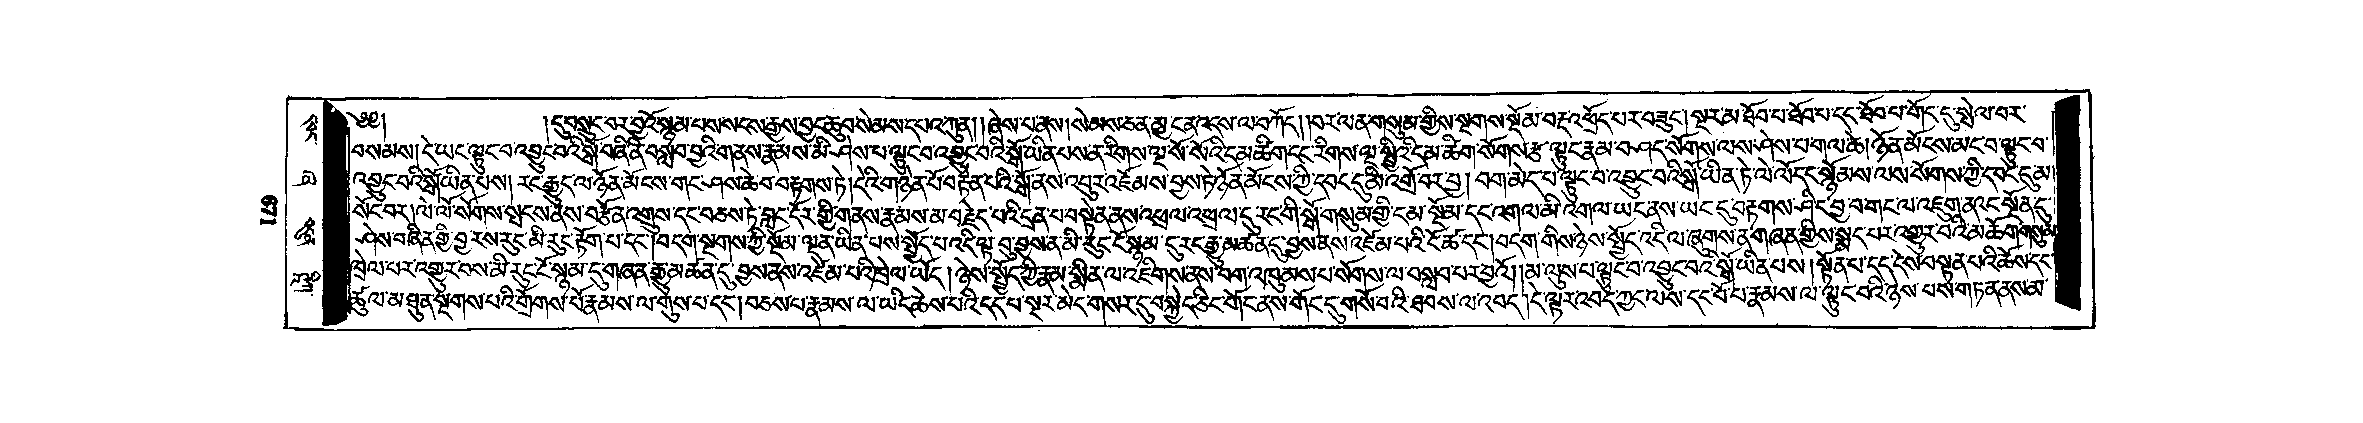༄༅། །དུ་བསྲུང་བར་བྱའོ་སྙམ་པས་སངས་རྒྱས་བྱང་ཆུབ་སེམས་དཔའ་ཀུན། །ཞེས་པ་ནས། སེམས་ཅན་མྱ་ངན་འདས་ལ་བཀོད། །བར་ལན་གསུམ་གྱིས་སྔགས་སྡོམ་བརྡ་འཕྲོད་པར་བཟུང་། སྔར་མ་ཐོབ་པ་ཐོབ་པ་དང་ཐོབ་པ་གོང་དུ་སྤེལ་བར་
བསམས། དེ་ཡང་ལྟུང་བ་འབྱུང་བའི་སྒོ་བཞི་ནི་བསླབ་བྱའི་གནས་རྣམས་མི་ཤེས་པ་ལྟུང་བ་འབྱུང་བའི་སྒོ་ཡིན་པས་ན་རིགས་ལྔ་སོ་སོའི་དམ་ཚིག་དང་རིགས་ལྔ་སྤྱིའི་དམ་ཚིག་སོགས་རྩ་ལྟུང་རྣམ་བཤད་སོགས་ལས་ཤེས་པ་གལ་ཆེ། ཉོན་མོངས་མང་བ་ལྟུང་བ་
འབྱུང་བའི་སྒོ་ཡིན་པས། རང་རྒྱུད་ལ་ཉོན་མོངས་གང་ཤས་ཆེ་བ་བརྟགས་ཏེ། དེའི་གཉེན་པོ་བརྟེན་པའི་སྒོ་ནས་འབུར་འཇོམས་བྱས་ཏེ་ཉོན་མོངས་ཀྱི་དབང་དུ་མི་འགྲོ་བར་བྱ། བག་མེད་པ་ལྟུང་བ་འབྱུང་བའི་སྒོ་ཡིན་ཏེ་ལེ་ལོ་དང་སྙོམས་ལས་སོགས་ཀྱི་དབང་དུ་མ་
སོང་བར། ལེ་ལོ་སོགས་སྤངས་ནས་བརྩོན་འགྲུས་དང་བཅས་ཏེ་བླང་དོར་གྱི་གནས་རྣམས་མ་བརྗེད་པའི་དྲན་པ་བསྟེན་ནས་འཕྲལ་དུ་རང་གི་སྒོ་གསུམ་གྱི་དམ་སྡོམ་དང་འགལ་མི་འགལ་ཡང་ནས་ཡང་དུ་བརྟགས་ཤིང་བྱ་བ་གང་ལ་འཇུག་ནའང་སྔོན་དུ་
ཤེས་བཞིན་གྱི་བྱ་རས་རུང་མི་རྟོག་པ་དང་། བདག་སྔགས་ཀྱི་སྡོམ་ལྡན་ཡིན་པས་སྤྱོད་པ་འདི་ལྟ་བུ་བྱས་ན་མི་རུང་ངོ་སྙམ་དུ་རང་རྒྱུ་མཚན་དུ་བྱས་ནས་འཛེམ་པའི་ངོ་ཚ་དང་། བདག་གིས་ཉེས་སྤྱོད་འདི་ལ་ཞུགས་ན་གཞན་གྱིས་སྨད་པར་འགྱུར་བའི་མཆོག་གསུམ་
ཁྲེལ་པར་འགྱུར་བས་མི་རུང་ངོ་སྙམ་དུ་གཞན་རྒྱུ་མཚན་དུ་བྱས་ནས་འཛེམ་པའི་ཁྲེལ་ཡོད། ཉེས་སྤྱོད་ཀྱི་རྣམ་སྨིན་ལ་འཇིགས་ནས་བག་འཁུམས་པ་སོགས་ལ་བསླབ་པར་བྱའོ། །མ་ལུས་པ་ལྟུང་བ་འབྱུང་བའི་སྒོ་ཡིན་པས། སྟོན་པ་དད་དེས་བསྟན་པའི་ཆོས་དང་
ཚུལ་མཐུན་སྔགས་པའི་གྲོགས་པོ་རྣམས་ལ་གུས་པ་དང་། བཅས་པ་རྣམས་ལ་ཡིད་ཆེས་པའི་དད་པ་སྔར་མེད་གསར་དུ་བསྐྱེད་ཅིང་གོང་ནས་གོང་དུ་གསོ་བའི་ཐབས་ལ་འབད། དེ་ལྟར་འབད་ཀྱང་ལས་དང་པོ་པ་རྣམས་ལ་ལྟུང་བའི་ཉེས་པས་གཏན་ནས་མ་